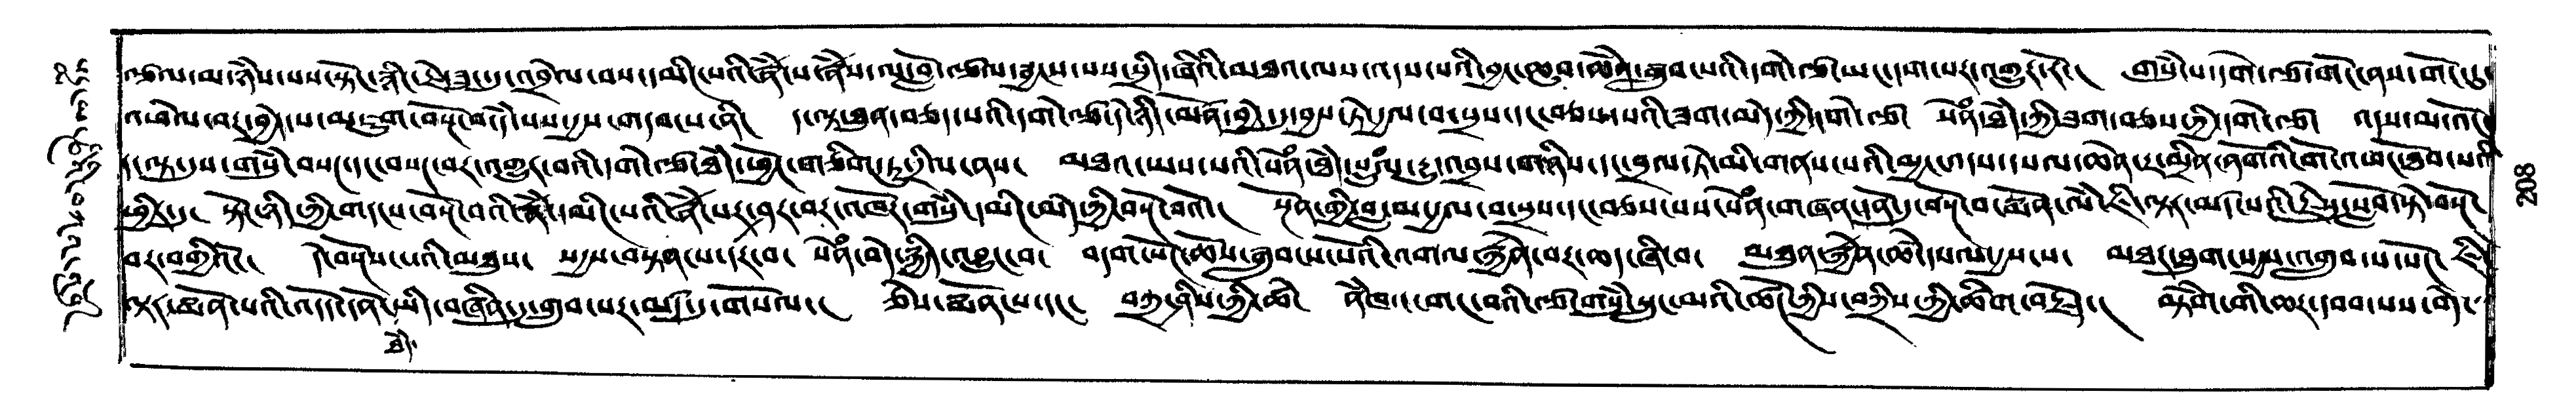རྩལ་མ་ཉམས་པས་སྟོང་སྙིང་རྗེ་ཟུང་དུ་འབྲེལ་བས་དམིགས་པའི་རྣམ་པ་རྣམས་ལ་བློ་རྩལ་སྦྱངས་པས་སྲིད་ཞིའི་མཐའ་ལས་འདས་པའི་བྱང་ཆུབ་ཆེན་པོ་སྒྲུབ་པའི་དགེ་རྩ་ཡང་དག་པར་འགྱུར་རོ།། གསུམ་པ་དགེ་རྩ་གོང་ནས་གོང་དུ་
འཕེལ་བར་བྱེད་པ་འཇུག་བསྔོ་བ་དམ་པས་རྒྱས་གདབ་པ་ནི། ད་ལྟ་ཐུན་བཅད་པའི་དགེ་རྩ་དེ་ཉིད་མཚོན་བྱེད་དུ་བྱས་ཏེ་རྒྱལ་བ་སྲས་དང་བཅས་པའི་ཟག་མེད་ཀྱི་དགེ་རྩ། སེམས་ཅན་ཐམས་ཅད་ཀྱི་ཟག་བཅས་ཀྱི་དགེ་རྩ། འདས་མ་འོངས་
ད་ལྟ་དུས་གསུམ་བསགས་དང་བསོག་པར་འགྱུར་བའི་དགེ་རྩ་ཐམས་ཅད་ཕྱོགས་གཅིག་ཏུ་དྲིལ་ནས། མཐའ་ཡས་པའི་སེམས་ཅན་ཐམས་ཅད་སྡུག་བསྔལ་རྒྱུ་འབྲས་གཉིས་དང་བྲལ་ཏེ་མི་གནས་པའི་མྱང་འདས་དཔལ་ཆེན་རྟ་མགྲིན་ནག་པོའི་གོ་འཕང་འཐོབ་པའི་
ཕྱིར་དུ། སྟོང་ཉིད་ཀྱི་གདངས་བསྔོ་བའི་རྣམ་པར་ཤར་བ་འཁོར་གསུམ་དམིགས་མེད་ཀྱི་བསྔོ་བའོ།། སྔོན་གྱི་བླ་མ་རྒྱལ་བ་སྲས་དང་བཅས་པས་སེམས་ཅན་གཞན་དོན་དུ་བསྔོ་བ་སྨོན་ལམ་ཇི་ལྟར་མཛད་པའི་རྗེས་སུ་སློབ་སྟེ་བསྔོ་
བར་བགྱིའོ། དེ་ལྟར་བསྔོས་པའི་མཐུས། སངས་རྒྱས་ཀྱི་བསྟན་པ་དར་བ། སེམས་ཅན་ལ་བདེ་སྐྱིད་འབྱུང་བ། བདག་སོགས་ཆོས་སྒྲུབ་པ་པོའི་འགལ་རྐྱེན་བར་ཆད་ཞི་བ། མཐུན་རྐྱེན་ཚེ་དཔལ་རྒྱས་པ། མཐར་ཐུག་སངས་རྒྱས་འགྲུབ་པ་སོགས་ཇི་
ལྟར་སྨོན་པའི་འདོད་དོན་ཐམས་ཅད་ཡིད་བཞིན་དུ་འགྲུབ་པར་མཛད་དུ་གསོལ་ཅེས་སྨོན་པ་དང་། བཀྲ་ཤིས་ཀྱི་ཚེ། ནམ་མཁའ་གང་བའི་རྩ་གསུམ་སྲུང་མའི་ཚོགས་ཀྱི་བཀྲ་ཤིས་ཀྱི་ཚིག་བརྗོད། མེ་ཏོག་གི་ཆར་དབབ་པས་དགེ་